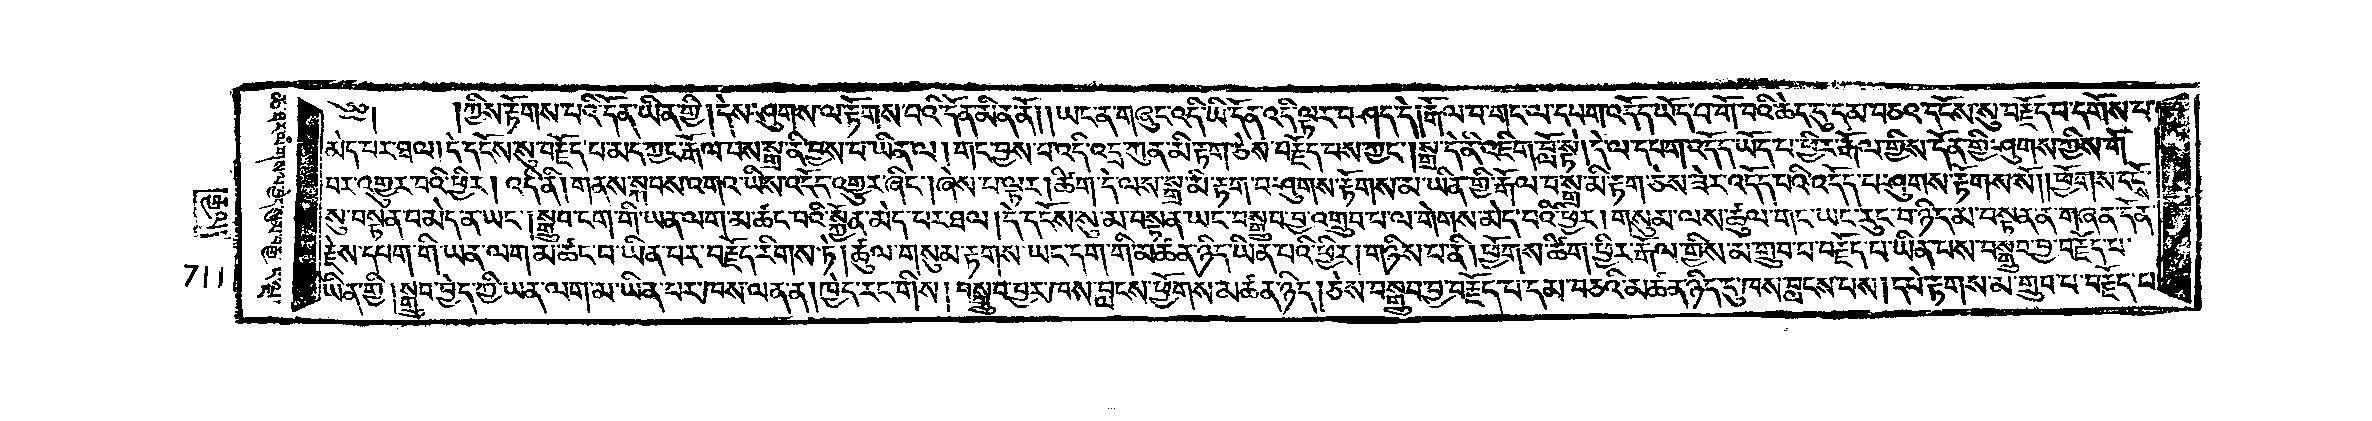༄༅། །ཀྱིས་རྟོགས་པའི་དོན་ཡིན་གྱི། དེས་ཤུགས་ལ་རྟོགས་པའི་དོན་མིན་ནོ། །ཡང་ན་གཞུང་འདི་ཡི་དོན་འདི་ལྟར་བཤད་དེ། རྒོལ་བ་གང་ལ་དཔག་འདོད་ཡོད་པ་གོ་བའི་ཆེད་དུ་དམ་བཅའ་དངོས་སུ་བརྗོད་པ་དགོས་པ་
མེད་པར་ཐལ། དེ་དངོས་སུ་བརྗོད་པ་མེད་ཀྱང་རྒོལ་པས་སྒྲ་ནི་བྱས་པ་ཡིན་ལ། གང་བྱས་པ་འདི་འདྲ་ཀུན་མི་རྟག་ཅེས་བརྗོད་པས་ཀྱང་། སྒྲ་དེ་ནི་འཇིག་བློ་སྟེ། དེ་ལ་དཔག་འདོད་ཡོད་པ་ཕྱིར་རྒོལ་གྱིས་དོན་གྱི་ཤུགས་ཀྱིས་གོ་
བར་འགྱུར་བའི་ཕྱིར། འདི་ནི། གནས་སྐབས་འགའ་ཡིས་འདོད་འགྱུར་ཞིང་། ཞེས་པ་ལྟར་།ཚིག་དེ་ལས་སྒྲ་མི་རྟག་པ་ཤུགས་རྟོགས་མ་ཡིན་གྱི་རྒོལ་བ་སྒྲ་མི་རྟག་ཅེས་ཟེར་འདོད་པའི་འདོད་པ་ཤུགས་རྟོགས་སོ། །ཕྱོགས་དངོས་
སུ་བསྟན་པ་མེད་ན་ཡང་། སྒྲུབ་ངག་གི་ཡན་ལག་མ་ཚང་བའི་སྐྱོན་མེད་པར་ཐལ། དེ་དངོས་སུ་མ་བསྟན་ཡང་བསྒྲུབ་བྱ་འགྲུབ་པ་ལ་གེགས་མེད་པའི་ཕྱིར། གསུམ་ལས་ཚུལ་གང་ཡང་རུང་བ་ཉིད་མ་བསྟན་ན་གཞན་དོན་
རྗེས་དཔག་གི་ཡན་ལག་མ་ཚང་བ་ཡིན་པར་བརྗོད་རིགས་ཏེ། ཚུལ་གསུམ་རྟགས་ཡང་དག་གི་མཚན་ཉིད་ཡིན་པའི་ཕྱིར། གཉིས་པ་ནི། ཕྱོགས་ཚིག་ཕྱིར་རྒོལ་གྱིས་མ་གྲུབ་པ་བརྗོད་པ་ཡིན་པས་བསྒྲུབ་བྱ་བརྗོད་པ་
ཡིན་གྱི། སྒྲུབ་བྱེད་ཀྱི་ཡན་ལག་མ་ཡིན་པར་ཁས་ལན་ན། ཁྱེད་རང་གིས། བསྒྲུབ་བྱར་ཁས་བླངས་ཕྱོགས་མཚན་ཉིད། ཅེས་བསྒྲུབ་བྱ་བརྗོད་པ་དམ་བཅའི་མཚན་ཉིད་དུ་ཁས་བླངས་པས། དཔེ་རྟགས་མ་གྲུབ་པ་བརྗོད་པ་